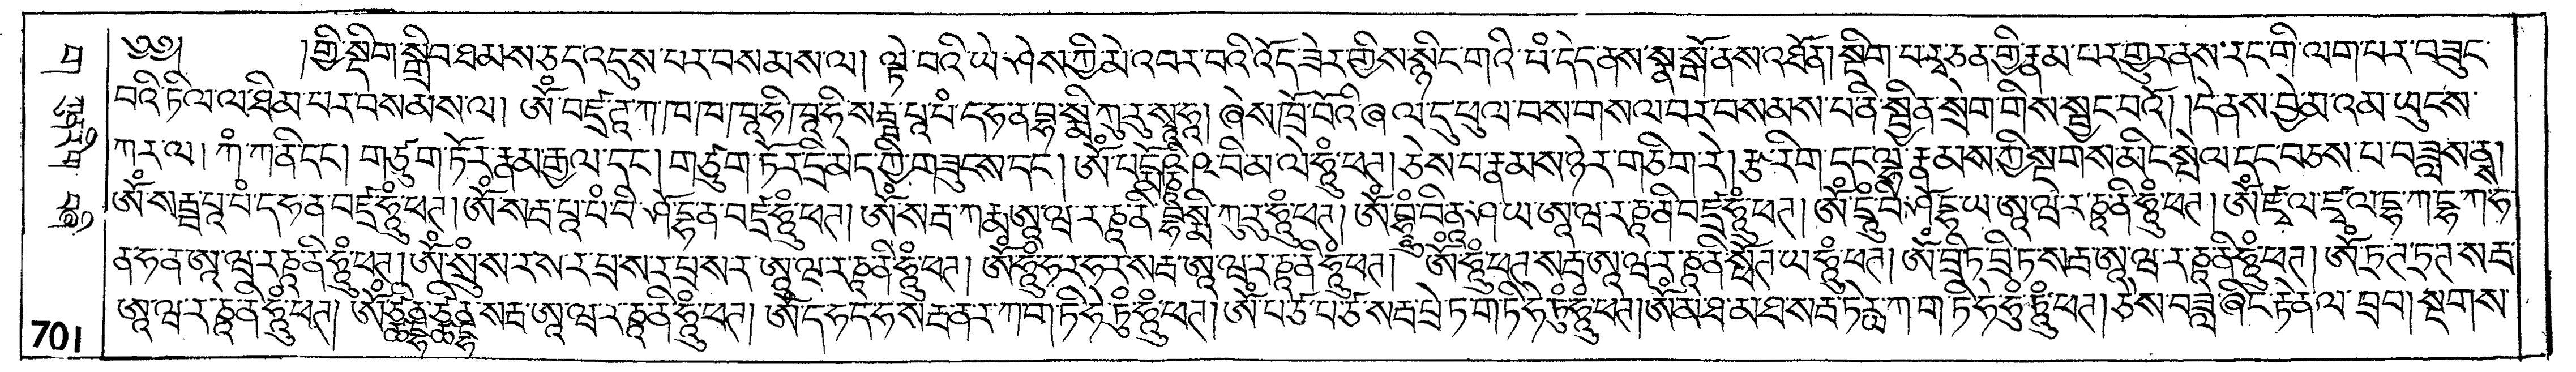༄༅། །གྱི་སྡིག་སྒྲིབ་ཐམས་ཅད་འདུས་པར་བསམས་ལ། ལྟེ་བའི་ཡེ་ཤེས་ཀྱི་མེ་འབར་བའི་འོད་ཟེར་གྱིས་སྙིང་གའི་པཾ་དེད་ནས་སྣ་སྒོ་ནས་འཐོན། སྡིག་པ་རྭ་ཅན་གྱི་རྣམ་པར་གྱུར་ནས་རང་གི་ལག་པར་བཟུང་
བའི་ཏིལ་ལ་ཐིམ་པར་བསམས་ལ། ཨོཾ་བཛྲ་ཊཱ་ཀ་ཁ་ཁ་ཁཱ་ཧི་ཁཱ་ཧི་སརྦྦ་པཱ་པཾ་ད་ཧ་ན་བྷ་སྨི་ཀུ་རུ་སྭཱཧཱ། ཞེས་ཁྲོ་བོའི་ཞལ་དུ་ཕུལ་བས་གསལ་བར་བསམས་པ་ནི་སྦྱིན་སྲེག་གིས་སྦྱང་བའོ། །དེ་ནས་བྱེ་མ་འམ་ཡུངས་
ཀར་ལ། ཀཾ་ཀ་ནི་དང་། གཙུག་ཏོར་རྣམ་རྒྱལ་དང་། གཙུག་ཏོར་དྲི་མེད་ཀྱི་གཟུངས་དང་། ཨོཾ་པདམོཥྞཱི་ཥ་བི་མ་ལེ་ཧཱུཾ་ཕཊ། ཅེས་པ་རྣམས་ཉེར་གཅིག་རེ། རྩ་རིག་དང་ལྷ་རྣམས་ཀྱི་སྔགས་མིང་སྤེལ་དང་བཅས་པ་བཟླས་ནས།
ཨོཾ་སརྦྦ་པཱ་པཾ་ད་ཧ་ན་བཛྲ་ཧཱུཾ་ཕཊ། ཨོཾ་སརྦ་པཱ་པཾ་བི་ཤོ་དྷ་ན་བཛྲ་ཧཱུཾ་ཕཊ། ཨོཾ་སརྦ་ཀརྨ་ཨཱ་ཝ་ར་ཎཱ་ནི་བྷ་སྨི་ཀུ་རུ་ཧཱུཾ་ཕཊ། ཨོཾ་བྷཱུཾ་བི་ནཱ་ཤ་ཡ་ཨཱ་ཝ་ར་ཎཱ་ནི་བཛྲ་ཧཱུཾ་ཕཊ། ཨོཾ་དྲཱུཾ་བི་ཤོ་དྷ་ཡ་ཨཱ་ཝ་ར་ཎཱ་ནི་ཧཱུཾ་ཕཊ། ཨོཾ་ཛྭ་ལ་ཛྭ་ལ་དྷ་ཀ་དྷ་ཀ་ཧ་
ན་ཧ་ན་ཨཱ་ཝ་ར་ཎཱ་ནི་ཧཱུཾ་ཕཊ། ཨོཾ་སྲུཾ་ས་ར་ས་ར་པྲ་ས་ར་པྲ་ས་ར་ཨཱ་ཝ་ར་ཎཱ་ནི་ཧཱུཾ་ཕཊ། ཨོཾ་ཧཱུཾ་ཧ་ར་ཧ་ར་སརྦ་ཨཱ་ཝ་ར་ཎཱ་ནི་ཧཱུཾ་ཕཊ། ཨོཾ་ཧཱུཾ་ཕཊ་སརྦ་ཨཱ་ཝ་ར་ཎཱ་ནི་སྥོཊ་ཡ་ཧཱུཾ་ཕཊ། ཨོཾ་བྲི་ཏ་བྲི་ཏ་སརྦ་ཨཱ་ཝ་ར་ཎཱ་ནི་ཧཱུཾ་ཕཊ། ཨོཾ་ཏྲ་ཊ་ཏྲ་ཊ་སརྦ་
ཨཱ་ཝ་ར་ཎཱ་ནི་ཧཱུཾ་ཕཊ། ཨོཾ་ཙྪིནྡྷ་ཙྪིནྡྷ་སརྦ་ཨཱ་ཝ་ར་ཎཱ་ནི་ཧཱུཾ་ཕཊ། ཨོཾ་ད་ཧ་ད་ཧ་སརྦ་ན་ར་ཀ་ག་ཏི་ཧེ་ཏུཾ་ཧཱུཾ་ཕཊ། ཨོཾ་པ་ཙ་པ་ཙ་སརྦ་པྲེ་ཏ་ག་ཏི་ཧེ་ཏུཾ་ཧཱུཾ་ཕཊ། ཨོཾ་མ་ཐ་མ་ཐ་སརྦ་ཏེརྱ་ཀ་ག་ཏི་ཧེ་ཧུཾ་ཏཱུཾ་ཕཊ། ཅེས་བཟླ་ཞིང་རྟེན་ལ་བྲབ། སྔགས་